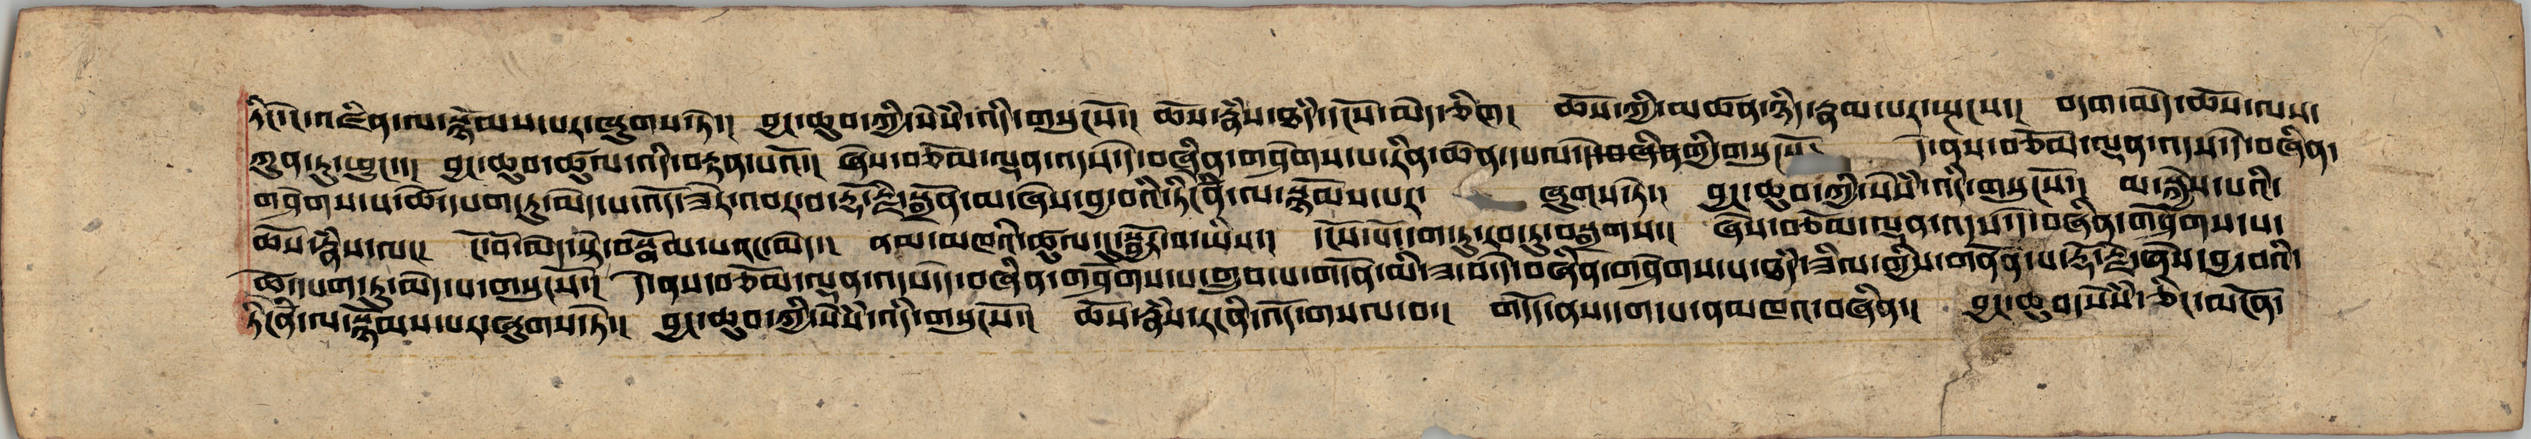ཏིང་ངེ་འཛིན་ལ་སྙོམས་པར་ཞུགས་ཏེ་། བྱང་ཆུབ་ཀྱི་སེཾས་འདི་གསུངསོ་། ཆོས་རྣཾས་ཐཾད་དངོས་མེད་ཅིག། ཆོས་ཀྱི་མཚན་ཉིད་རྣམ་པར་སྤངས་། བདག་མེད་ཆོས་ལས་
ཀུན་ཏུ་ཕྱུང་་། བྱང་ཆུབ་ཚུལ་འདི་བརྟན་པའོ་། ཞེས་བཅོམ་ལྡན་འདས་དེ་བཞིན་གཤེགས་པ་རིན་ཆེན་དཔལ་དེ་བཞིན་གྱི་གསུངསོ་། དེ་ནས་བཅོམ་ལྡན་འདས་དེ་བཞིན་
གཤེགས་པ་ཚེ་དཔག་ཏུ་མེད་པ་འདོ་ཟེར་འབར་བ་རྡོ་རྗེ་སྒྲོན་མ་ཞེས་བྱ་བའི་ཏིངཛིན་ལ་སྙོམས་པར་ ཞུགས་ཏེ་། བྱང་ཆུབ་ཀྱི་སེཾས་འདི་གསུངསོ་། མ་སྐྱེས་པའི་
ཆོས་རྣཾས་ལ་། ངོ་བོ་མེད་སྟེ་བསྒོམ་པའང་མེད་། ནམ་མཁའི་ཚུལ་དུ་སྦྱོར་བ་ཡིས་། དངོས་པོ་དག་ཏུ་རབ་ཏུ་བསྒྲགས་། ཞེས་བཅོམ་ལྡན་འདས་དེ་བཞིན་གཤེགས་པ་
ཚེ་དཔག་ཏུ་མེད་པ་གསུངསོ་། དེ་ནས་བཅོམ་ལྡན་འདས་དེ་བཞིན་གཤེགས་པ་གྲུབ་པ་གདོན་མི་ཟ་བ་དེ་བཞིན་གཤེགས་པ་ཐཾད་ཟིལ་གྱིས་གནོན་པ་རྡོ་རྗེ་ཞེས་བྱ་བའི་
ཏིངཛིན་ལ་སྙོམས་པར་ཞུགས་ཏེ་། བྱང་ཆུབ་ཀྱི་སེཾས་འདི་གསུངསོ་། ཆོས་རྣཾས་རངིན་འོད་གསལ་བ་། གདོད་ནས་དག་པ་ནམ་མཁའ་བཞིན་། བྱང་ཆུབ་སེཾས་ཅིང་མངོན་